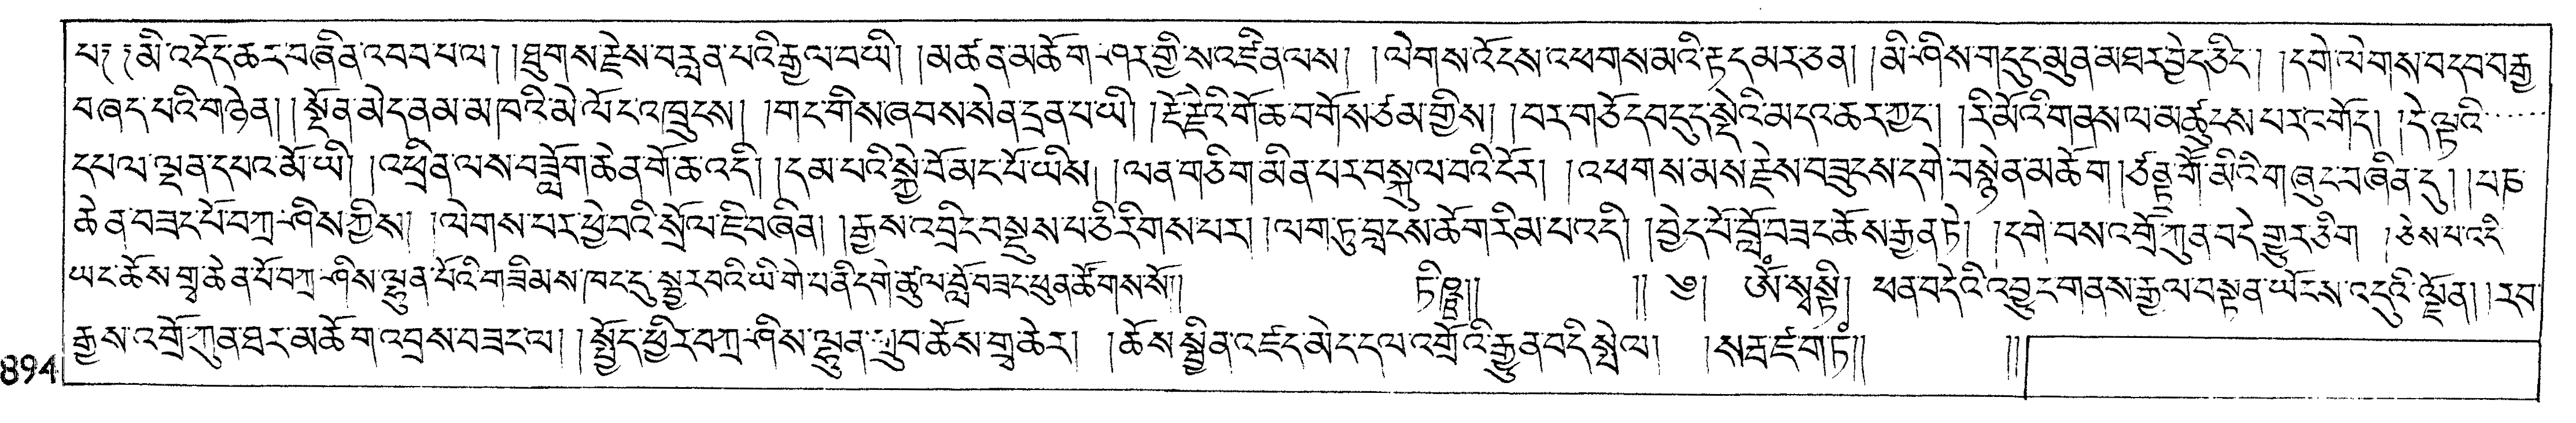པ༑ ༑མི་འདོད་ཆར་བཞིན་འབབ་པ་ལ། །ཐུགས་རྗེས་བརླན་པའི་རྒྱལ་བ་ཡི། །མཚན་མཆོག་ཤར་གྱི་ས་འཛིན་ལས། །ལེགས་འོངས་འཕགས་མའི་རྟ་དམར་ཅན། །མི་ཤིས་གདུང་མུན་མཐར་བྱེད་ཅིང་། །དགེ་ལེགས་བདབ་བརྒྱ་
བཞད་པའི་གཉེན། །སྔོན་མེད་ནམ་མཁའི་མེ་ལོང་འཁྲུངས། །གང་གིས་ཞབས་སེན་དྲན་པ་ཡི། །རྡོ་རྗེའི་གོ་ཆ་བགོས་ཙམ་གྱིས། །བར་གཅོད་བདུད་སྡེའི་མདའ་ཆར་ཀྱང་། །རི་མོའི་གནས་ལ་མཚུངས་པར་འགོད། །དེ་ལྟའི་
དཔལ་ལྡན་དཔའ་མོ་ཡི། །འཕྲིན་ལས་བཟློག་ཆེན་གོ་ཆ་འདི། །དམ་པའི་སྐྱེ་བོ་མང་པོ་ཡིས། །ལན་གཅིག་མིན་པར་བསྐུལ་བའི་ངོར། །འཕགས་མས་རྗེས་བཟུངས་དགེ་བསྙེན་མཆོག །ཙནྟྲ་གཽ་མིའི་གཞུང་བཞིན་དུ། །པཎ་
ཆེན་བཟང་པོ་བཀྲ་ཤིས་ཀྱིས། །ལེགས་པར་ཕྱེ་བའི་སྲོལ་ཇི་བཞིན། །རྒྱས་འབྲིང་བསྡུས་པ་ཅི་རིགས་པར། །ལག་ཏུ་བླངས་ཆོག་རིམ་པ་འདི། །བྱེད་པོ་བློ་བཟང་ཆོས་རྒྱན་ཏེ། །དགེ་བས་འགྲོ་ཀུན་བདེ་གྱུར་ཅིག །ཅེས་པ་འདི་
ཡང་ཆོས་གྲྭ་ཆེན་པོ་བཀྲ་ཤིས་ལྷུན་པོའི་གཟིམས་ཁང་དུ་སྦྱར་བའི་ཡི་གེ་པ་ནི་དགེ་ཚུལ་བློ་བཟང་ཕུན་ཚོགས་སོ།། ཏི་ཥཊཿཨ།། །། ༄༅། ཨོཾ་སྭསྟི། ཕན་བདེའི་འབྱུང་གནས་རྒྱལ་བསྟན་ཡོངས་འདུའི་ལྗོན། །རབ་
རྒྱས་འགྲོ་ཀུན་ཐར་མཆོག་འབྲས་བཟང་ལ། །སྤྱོད་ཕྱིར་བཀྲ་ཤིས་ལྷུན་གྲུབ་ཆོས་གྲྭ་ཆེར། །ཆོས་སྦྱིན་འཛད་མེད་དལ་འགྲོའི་རྒྱུན་བདི་སྤེལ། །སརྦ་ཛ་ག་ཏཾ།། །།